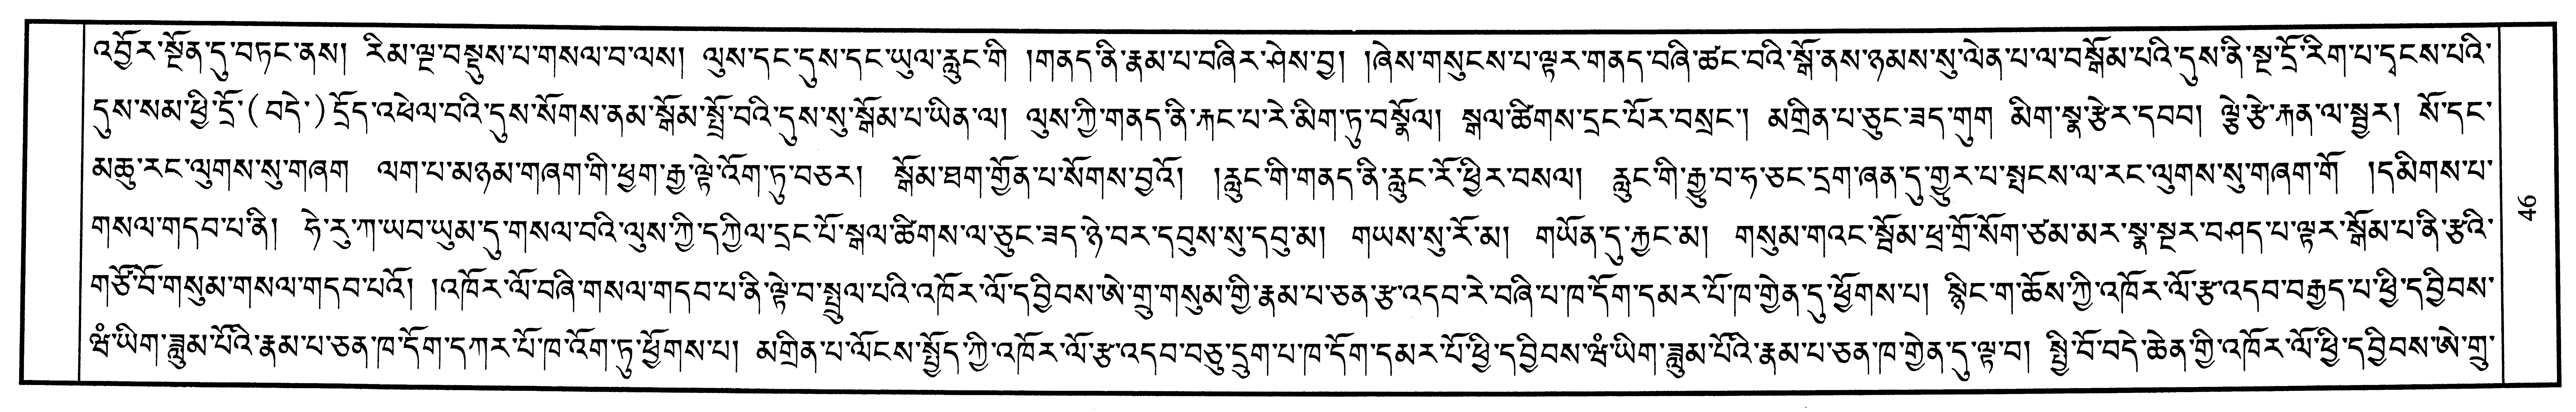འབྱོར་སྔོན་དུ་བཏང་ནས། རིམ་ལྔ་བསྡུས་པ་གསལ་བ་ལས། ལུས་དང་དུས་དང་ཡུལ་རླུང་གི །གནད་ནི་རྣམ་པ་བཞིར་ཤེས་བྱ། །ཞེས་གསུངས་པ་ལྟར་གནད་བཞི་ཚང་བའི་སྒོ་ནས་ཉམས་སུ་ལེན་པ་ལ་བསྒོམ་པའི་དུས་ནི་སྔ་དྲོ་རིག་པ་དྭངས་པའི་
དུས་སམ་ཕྱི་དྲོ་བདེ་དྲོད་འཕེལ་བའི་དུས་སོགས་ནམ་སྒོམ་སྤྲོ་བའི་དུས་སུ་སྒོམ་པ་ཡིན་ལ། །ལུས་ཀྱི་གནད་ནི་རྐང་པ་རེ་མིག་ཏུ་བསྣོལ། སྒལ་ཚིགས་དྲང་པོར་བསྲང་། མགྲིན་པ་ཅུང་ཟད་གུག །མིག་སྣ་རྩེར་དབབ། ལྕེ་རྩེ་རྐང་ལ་སྦྱར། སོ་དང་
མཆུ་རང་ལུགས་སུ་གཞག །ལག་པ་མཉམ་གཞག་གི་ཕྱག་རྒྱ་ལྟེ་འོག་ཏུ་བཅར། སྒོམ་ཐག་གྱོན་པ་སོགས་བྱའོ། །རླུང་གི་གནད་ནི་རླུང་རོ་ཕྱིར་བསལ། རླུང་གི་རྒྱུ་བ་ཧ་ཅང་དྲག་ཞན་དུ་གྱུར་པ་སྤངས་ལ་རང་ལུགས་སུ་གཞག་གོ །དམིགས་པ་
གསལ་གདབ་པ་ནི། ཧེ་རུ་ཀ་ཡབ་ཡུམ་དུ་གསལ་བའི་ལུས་ཀྱི་དཀྱིལ་དྲང་པོ་སྒལ་ཚིགས་ལ་ཅུང་ཟད་ཉེ་བར་དབུས་སུ་དབུ་མ། གཡས་སུ་རོ་མ། གཡོན་དུ་རྐྱང་མ། གསུམ་གའང་སྦོམ་ཕྲ་གྲོ་སོག་ཙམ་མར་སྣ་སྔར་བཤད་པ་ལྟར་སྒོམ་པ་ནི་རྩའི་
གཙོ་བོ་གསུམ་གསལ་གདབ་པའོ། །འཁོར་ལོ་བཞི་གསལ་གདབ་པ་ནི་ལྟེ་བ་སྤྲུལ་པའི་འཁོར་ལོ་དབྱིབས་ཨེ་གྲུ་གསུམ་གྱི་རྣམ་པ་ཅན་རྩ་འདབ་རེ་བཞི་པ་ཁ་དོག་དམར་པོ་ཁ་གྱེན་དུ་ཕྱོགས་པ། སྙིང་ག་ཆོས་ཀྱི་འཁོར་ལོ་རྩ་འདབས་བརྒྱད་པ་ཕྱི་དབྱིབས་
ཝཾ་ཡིག་ཟླུམ་པོའི་རྣམ་པ་ཅན་ཁ་དོག་དཀར་པོ་ཁ་འོག་ཏུ་ཕྱོགས་པ། མགྲིན་པ་ལོངས་སྤྱོད་ཀྱི་འཁོར་ལོ་རྩ་འདབ་བཅུ་དྲུག་པ་ཁ་དོག་དམར་པོ་ཕྱི་དབྱིབས་ཝཾ་ཡིག་ཟླུམ་པོའི་རྣམ་པ་ཅན་ཁ་གྱེན་དུ་ལྟ་བ། སྤྱི་བོ་བདེ་ཆེན་གྱི་འཁོར་ལོ་ཕྱི་དབྱིབས་ཨེ་གྲུ་